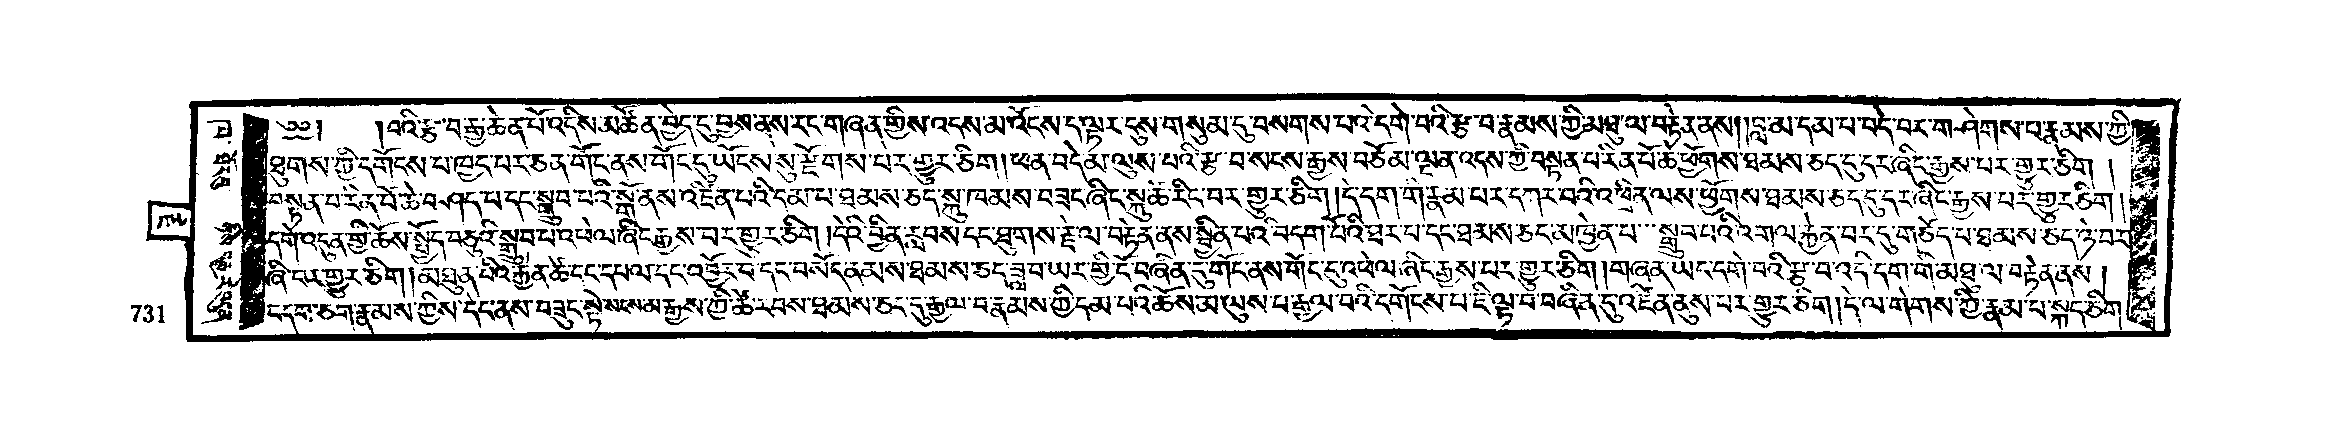༄༅། །བའི་རྩ་བ་རྒྱ་ཆེན་པོ་འདིས་མཚོན་བྱེད་དུ་བྱས་ནས་རང་གཞན་གྱིས་འདས་མ་འོངས་ད་ལྟར་དུས་གསུམ་དུ་བསགས་པའི་དགེ་བའི་རྩ་བ་རྣམས་ཀྱི་མཐུ་ལ་བརྟེན་ནས། །བླ་མ་དམ་པ་བདེ་བར་གཤེགས་པ་རྣམས་ཀྱི་
ཐུགས་ཀྱི་དགོངས་པ་ཁྱད་པར་ཅན་གོང་ནས་གོང་དུ་ཡོངས་སུ་རྫོགས་པར་གྱུར་ཅིག །ཕན་བདེ་མ་ལུས་པའི་རྩ་བ་སངས་རྒྱས་བཅོམ་ལྡན་འདས་ཀྱི་བསྟན་པ་རིན་པོ་ཆེ་ཕྱོགས་ཐམས་ཅད་དུ་དར་ཞིང་རྒྱས་པར་གྱུར་ཅིག །
བསྟན་པ་རིན་པོ་ཆེ་བཤད་པ་དང་སྒྲུབ་པའི་སྒོ་ནས་འཛིན་པའི་དམ་པ་ཐམས་ཅད་སྐུ་ཁམས་བཟང་ཞིང་སྐུ་ཚེ་རིང་བར་གྱུར་ཅིག །དེ་དག་གི་རྣམ་པར་དཀར་བའི་འཕྲིན་ལས་ཕྱོགས་ཐམས་ཅད་དུ་དར་ཞིང་རྒྱས་པར་གྱུར་ཅིག །
དགེ་འདུན་གྱི་ཆོས་སྤྱོད་བཅུའི་སྒྲུབ་པ་འཕེལ་ཞིང་རྒྱས་པར་གྱུར་ཅིག །དེའི་བྱིན་རླབས་དང་ཐུགས་རྗེ་ལ་བརྟེན་ནས་སྦྱིན་པའི་བདག་པོའི་ཐར་པ་དང་ཐམས་ཅད་མཁྱེན་པ་སྒྲུབ་པའི་འགལ་རྐྱེན་བར་དུ་གཅོད་པ་ཐམས་ཅད་ཉེ་བར་
ཞི་བར་གྱུར་ཅིག །མཐུན་པའི་རྐྱེན་ཚེ་དང་དཔལ་དང་འབྱོར་པ་དང་བསོད་ནམས་ཐམས་ཅད་ཟླ་བ་ཡར་གྱི་ངོ་བཞིན་དུ་གོང་ནས་གོང་དུ་འཕེལ་ཞིང་རྒྱས་པར་གྱུར་ཅིག །གཞན་ཡང་དགེ་བའི་རྩ་བ་འདི་དག་གི་མཐུ་ལ་བརྟེན་ནས།
བདག་ཅག་རྣམས་ཀྱིས་དེང་ནས་བཟུང་སྟེ་སངས་མ་རྒྱས་ཀྱི་ཚེ་རབས་ཐམས་ཅད་དུ་རྒྱལ་བ་རྣམས་ཀྱི་དམ་པའི་ཆོས་མ་ལུས་པ་རྒྱལ་བའི་དགོངས་པ་ཇི་ལྟ་བ་བཞིན་དུ་འཛིན་ནུས་པར་གྱུར་ཅིག །དེ་ལ་གེགས་ཀྱི་རྣམ་པ་སྐད་ཅིག་